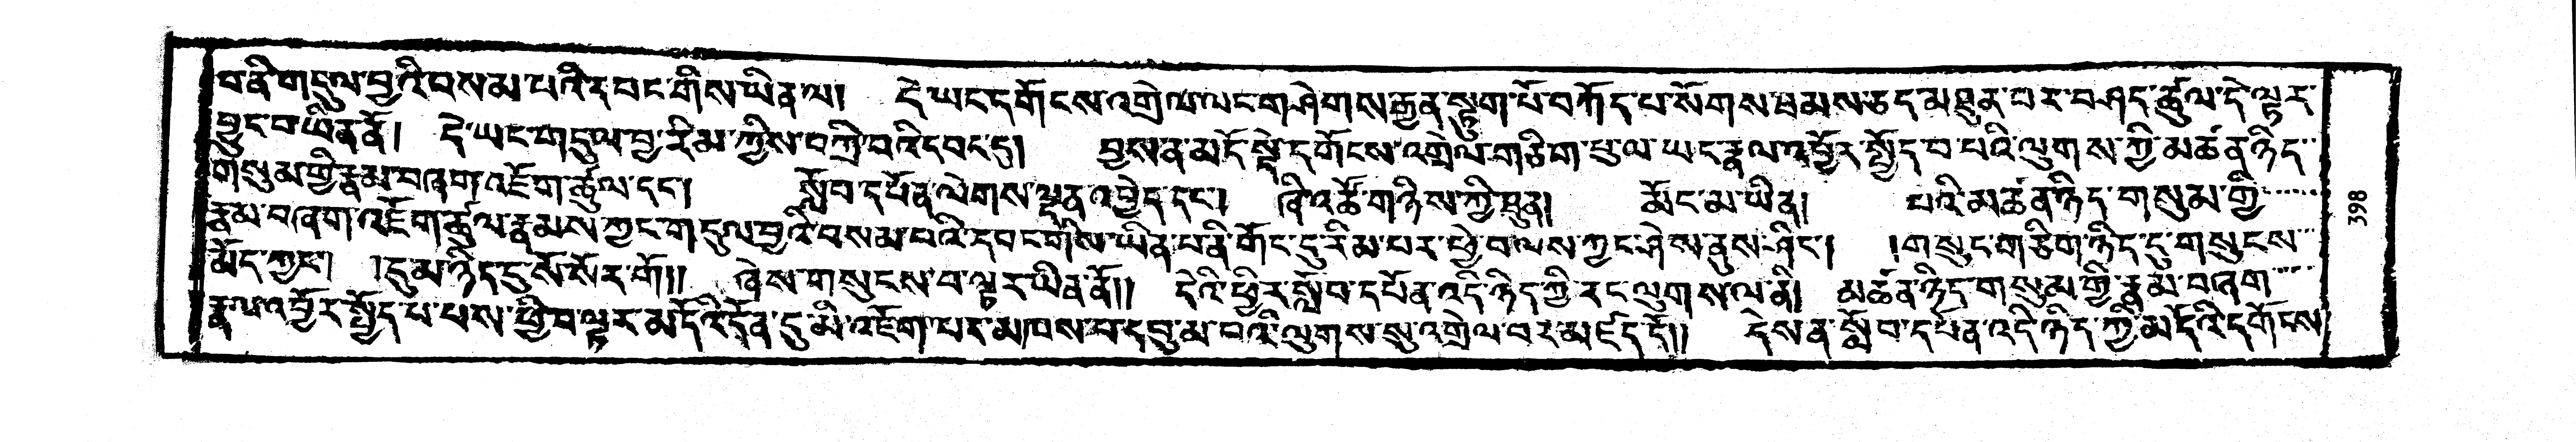བ་ནི་གདུལ་བྱའི་བསམ་པའི་དབང་གིས་ཡིན་ལ། དེ་ཡང་དགོངས་འགྲེལ་ལང་གཤེགས་རྒྱན་སྟུག་པོ་བཀོད་པ་སོགས་ཐམས་ཅད་མཐུན་པར་བཤད་ཚུལ་དེ་ལྟར་
བྱུང་བ་ཡིན་ནོ། དེ་ཡང་གདུལ་བྱ་རིམ་ཀྱིས་བཀྲི་བའི་དབང་དུ། བྱས་ན་མདོ་སྡེ་དགོངས་འགྲེལ་གཅིག་པུ་ལ་ཡང་རྣལ་འབྱོར་སྤྱོད་པ་པའི་ལུགས་ཀྱི་མཚན་ཉིད་
གསུམ་གྱི་རྣམ་བཞག་འཇོག་ཚུལ་དང་། སློབ་དཔོན་ལེགས་ལྡན་འབྱེད་དང་། ཞི་འཚོ་གཉིས་ཀྱི་ཐུན། མོང་མ་ཡིན། པའི་མཚན་ཉིད་གསུམ་གྱི་
རྣམ་བཞག་འཇོག་ཚུལ་རྣམས་ཀྱང་གདུལ་བྱའི་བསམ་པའི་དབང་གིས་ཡིན་པ་ནི་གོང་དུ་རིམ་པར་ཕྱེ་བ་ལས་ཀྱང་ཤེས་ནུས་ཤིང་། །གསུང་གཅིག་ཉིད་དུ་གསུངས་
མོད་ཀྱང་། །དུ་མ་ཉིད་དུ་སོ་སོར་གོ།། ཞེས་གསུངས་པ་ལྟར་ཡིན་ནོ།། དེའི་ཕྱིར་སློབ་དཔོན་འདི་ཉིད་ཀྱི་རང་ལུགས་ལ་ནི། མཚན་ཉིད་གསུམ་གྱི་རྣམ་བཞག་
རྣལ་འབྱོར་སྤྱོད་པ་པས་ཕྱི་བ་ལྟར་མདོའི་དོན་དུ་མི་འཇོག་པར་མཁས་པ་དབུ་མ་བའི་ལུགས་སུ་འགྲེལ་བར་མཛད་དོ།། དེས་ན་སློབ་དཔོན་འདི་ཉིད་ཀྱི་མདོའི་དགོངས་